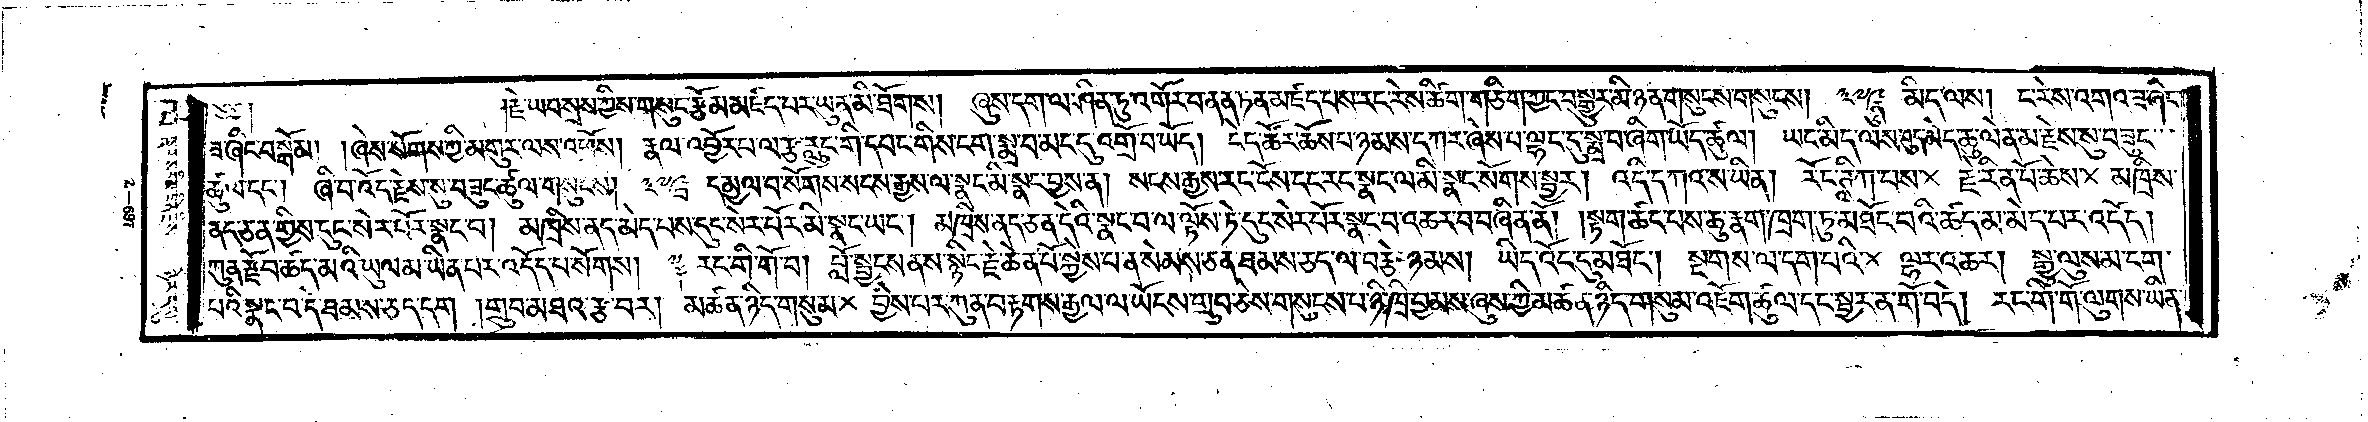༄༅། །རྗེ་ཡབ་སྲས་ཀྱིས་གསུང་རྩོམ་མཛད་པར་ཡུན་མི་ཐོགས། ཞུས་དག་ལ་ཤིན་ཏུ་འགྲོ་བ་ནན་ཏན་མཛད་པས་རང་རེས་ཚིག་གཅིག་ཀྱང་བསྒྱུར་མི་ཉན་གསུངས་གསུངས། ༣༧༩ན༦་མིད་ལས། ང་རེས་འགའ་ཟ་ཞིང་
ཟ་ཞིང་བསྒོམ། །ཞེས་སོགས་ཀྱི་མགུར་ལས་འཕྲོས། རྣལ་འབྱོར་པ་ལ་རྩ་རླུང་གི་དབང་གིས་ངག་སྨྲ་བ་མང་དུ་འགྲོ་བ་ཡོད། ངེད་ཚོར་ཆོས་པ་ཉམས་དཀར་ཞེས་པ་ལྷང་དུ་སྨྲ་བ་ཞིག་ཡོད་ཚུལ། ཡང་མིད་ལས་བུད་མེད་ཆུ་ལེན་མ་རྗེས་སུ་བཟུང་
ཚུལ་དང་། ཞི་བ་འོད་རྗེས་སུ་བཟུང་ཚུལ་གསུངས། ༣༧༩བ་དམྱལ་བ་སོགས་སངས་རྒྱས་ལ་སྣང་མི་སྣང་བྱས་ན། སངས་རྒྱས་རང་ངོས་དང་རང་སྣང་ལ་མི་སྣང་སོགས་སྦྱར། འདི་དཀའ་ས་ཡིན། རོང་ཊཱི་ཀ་པས་྾་རྗེ་རིན་པོ་ཆེས་྾་མཁྲིས་
ནད་ཅན་གྱིས་དུང་སེར་པོར་སྣང་བ། མཁྲིས་ནད་མེད་པས་དུང་སེར་པོར་མི་སྣང་ཡང་། མཁྲིས་ནད་ཅན་དེའི་སྣང་བ་ལ་ལྟོས་ཏེ་དུང་སེར་པོར་སྣང་བ་འཆར་བ་བཞིན་ནོ། སྟག་ཚང་པས་ཆུ་རྣག་ཁྲག་ཏུ་མཐོང་བའི་ཚད་མ་མེད་པར་འདོད།
ཀུན་རྫོབ་ཚད་མའི་ཡུལ་མ་ཡིན་པར་འདོད་པ་སོགས། ༈ རང་གི་གོ་བ། བློ་སྦྱངས་ནས་སྙིང་རྗེ་ཆེན་པོ་སྐྱེས་པ་ན་སེམས་ཅན་ཐམས་ཅད་ལ་བརྩེ་ཉམས། ཡིད་འོང་དུ་མཐོང་། སྔགས་ལ་དག་པའི་྾་ལྷར་འཆར། སྒྱུ་ལུས་མ་ངག་
པའི་སྣང་བ་དེ་ཐམས་ཅད་དག །གྲུབ་མཐའ་རྩ་བར། མཚན་ཉིད་གསུམ་྾་བྱིས་པར་ཀུན་བརྟགས་རྒྱལ་ལ་ཡོངས་གྲུབ་ཅེས་གསུངས་པ་ཉི་ཁྲི་བྱམས་ཞུས་ཀྱི་མཚན་ཉིད་གསུམ་འཇོག་ཚུལ་དང་སྦྱར་ན་གོ་བདེ། རང་གི་གོ་ལུགས་ཡིན་